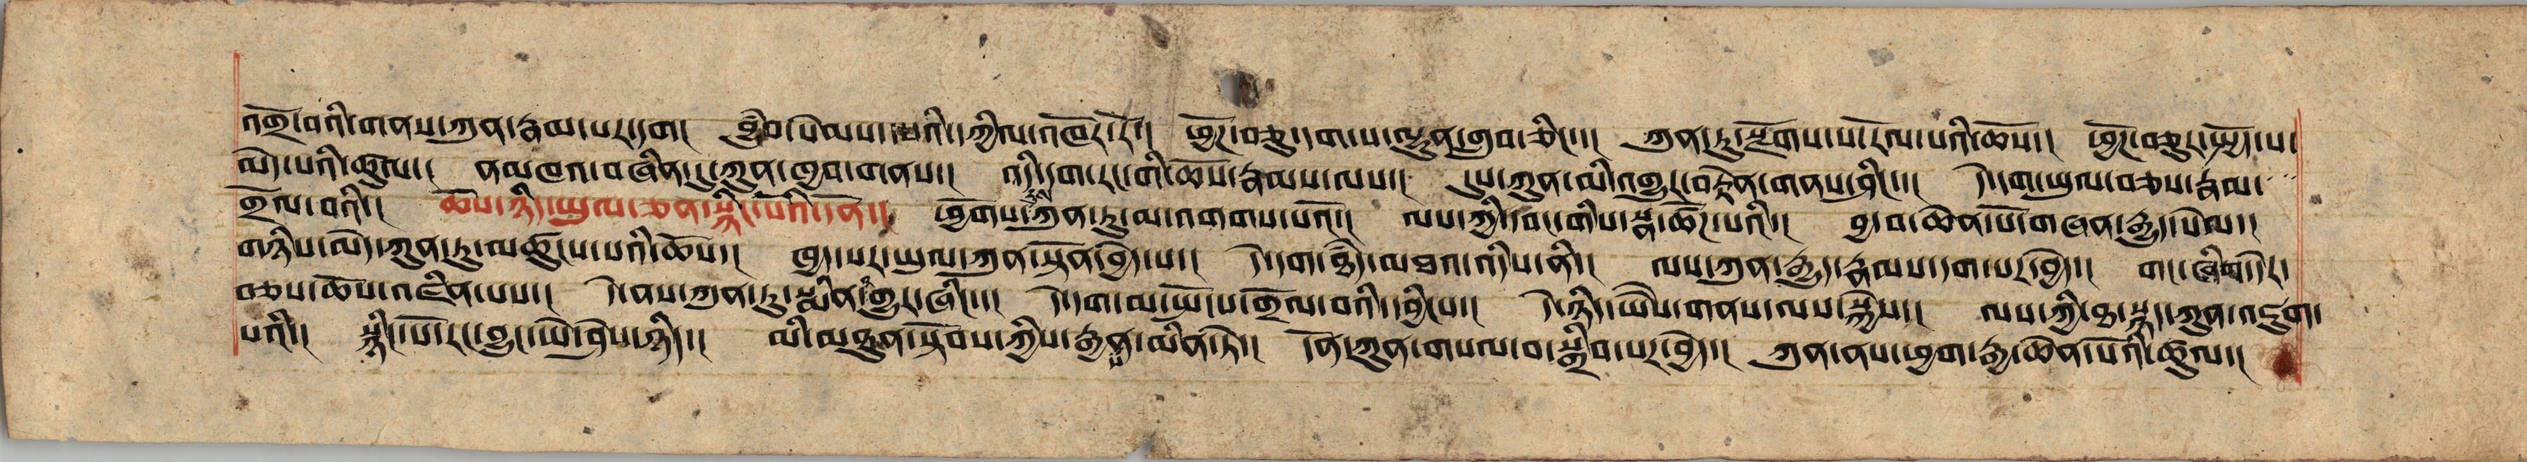འགྲོ་བའི་གནས་ཀུན་རྣམ་པར་དག། བྱུཾབ་སེམས་པའི་དཀྱིལ་འཁོར་རོ་། ཕྱོཌ་བཅུ་དག་པ་ལྷུན་གྲུབ་ཅིང་། ཀུན་ཏུ་སྫོགས་པ་རོལ་པའི་ཆོས་། ཕྱོཌ་བཅུར་སྤྱོད་པ་
མེད་པའི་ཚུལ་། ནམཁའ་བཞིན་དུ་ཀུན་ཁྱབ་གནས་། འདི་དག་རང་གི་ཆོས་རྣམས་ལས་། དུས་ཀུན་མི་འགྱུར་བརྟེན་གནས་ཤིང་་། དེ་དག་ཕུལ་བཅས་རྣམ་
གྲོལ་བའི་། ཆོས་ཉིད་ཡུལ་ཅན་སྙིང་པོའི་དོན་། ཕྱོགས་དུས་ཀུན་ཏུ་མ་འགགས་པའོ་། ལས་ཀྱི་དབང་གིས་སྣ་ཚོཌ་པའི་། བྱ་བ་ཆེན་པོ་གཞན་རྒྱུད་སེམ་།
གཉིས་མེད་ཀུན་ཏུ་མཚུངས་པའི་ཆོས་། ཁྱད་པར་ཡུལ་ཀུན་སྟོན་བྱེད་པ་། དེ་དག་ཐཾད་མཐའ་འདིས་ནི་། ལས་ཀུན་རྒྱུད་རྣམས་དག་པར་བྱེད་། གང་ཞིག་དེར་
བཅས་ཆོས་འཛིན་པས་། དེ་ནས་ཀུན་ཏུ་སྨིན་གྱུར་ཞིང་་། དེ་དག་མ་སྤོངས་གྲོལ་བའི་དབྱིངས་། དེ་ཉིད་ཡཻས་གནས་ལས་སྐྱེས་། ལས་ཀྱི་ཐ་སྙད་ཀུན་འཇུག
པའི་། སྙིང་པོ་རང་བྱུང་ཡེ་ཤེས་ཉིད་། མི་མཐུན་སྟོབས་ཀྱིས་རྒྱན་མིན་ཏེ་། དོན་ཀུན་གསལ་བ་སྒྲིབ་པར་བྱེད་། ཀུན་ནས་ཕྱག་རྒྱ་ཆེན་པོའི་ཚུལ་།